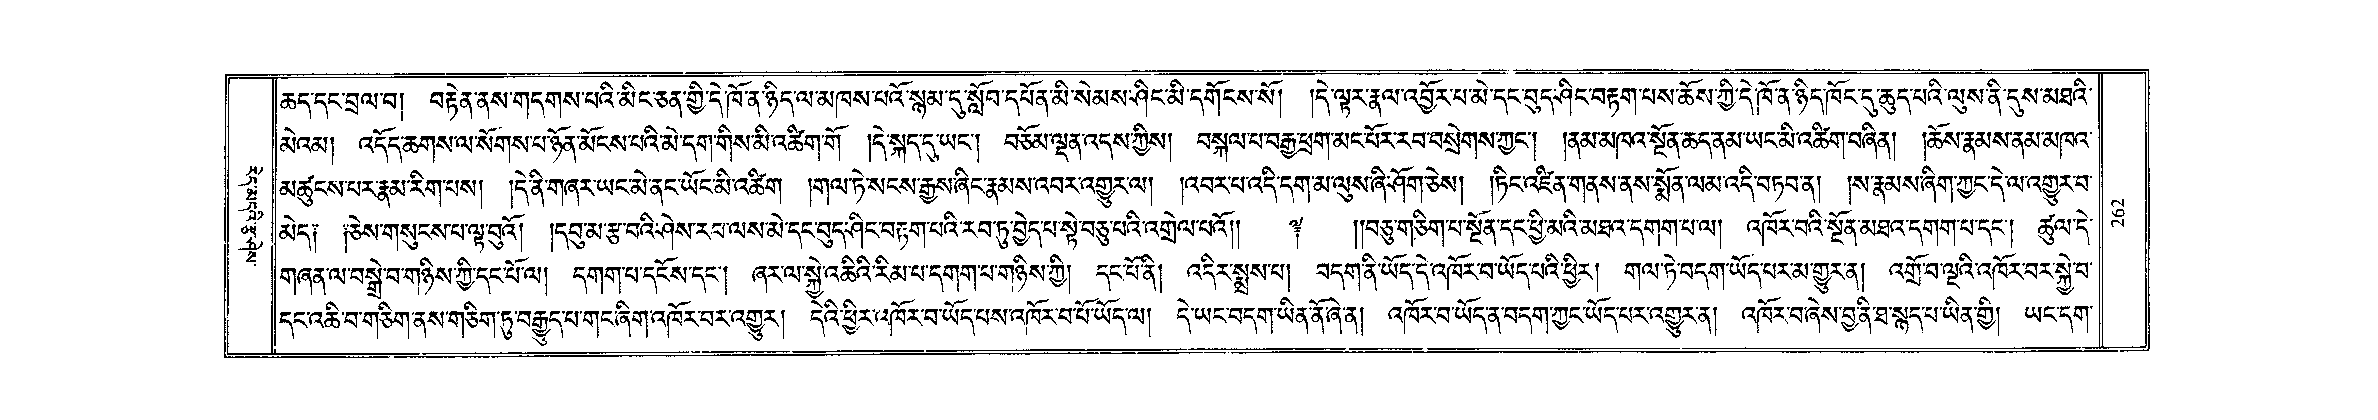ཆད་དང་བྲལ་བ། བརྟེན་ནས་གདགས་པའི་མིང་ཅན་གྱི་དེ་ཁོ་ན་ཉིད་ལ་མཁས་པའོ་སྙམ་དུ་སློབ་དཔོན་མི་སེམས་ཤིང་མི་དགོངས་སོ། །དེ་ལྟར་རྣལ་འབྱོར་པ་མེ་དང་བུད་ཤིང་བརྟག་པས་ཆོས་ཀྱི་དེ་ཁོ་ན་ཉིད་ཁོང་དུ་ཆུད་པའི་ལུས་ནི་དུས་མཐའི་
མེའམ། འདོད་ཆགས་ལ་སོགས་པ་ཉོན་མོངས་པའི་མེ་དག་གིས་མི་འཚིག་གོ །དེ་སྐད་དུ་ཡང་། བཅོམ་ལྡན་འདས་ཀྱིས། བསྐལ་པ་བརྒྱ་ཕྲག་མང་པོར་རབ་བསྲེགས་ཀྱང་། །ནམ་མཁའ་སྔོན་ཆད་ནམ་ཡང་མི་འཚིག་བཞིན། །ཆོས་རྣམས་ནམ་མཁའ་
མཚུངས་པར་རྣམ་རིག་པས། །དེ་ནི་གཞར་ཡང་མེ་ནང་ཡོང་མི་འཚིག །གལ་ཏེ་སངས་རྒྱས་ཞིང་རྣམས་འབར་འགྱུར་ལ། །འབར་པ་འདི་དག་མ་ལུས་ཞི་ཤོག་ཅེས། །ཏིང་འཛིན་གནས་ནས་སྨོན་ལམ་འདི་བཏབ་ན། །ས་རྣམས་ཞིག་ཀྱང་དེ་ལ་འགྱུར་བ་
མེད༑ ༑ཅེས་གསུངས་པ་ལྟ་བུའོ། །དབུ་མ་རྩ་བའི་ཤེས་རབ་ལས་མེ་དང་བུད་ཤིང་བརྟག་པའི་རབ་ཏུ་བྱེད་པ་སྟེ་བཅུ་པའི་འགྲེལ་པའོ།། ༈ །།བཅུ་གཅིག་པ་སྔོན་དང་ཕྱི་མའི་མཐའ་དགག་པ་ལ། འཁོར་བའི་སྔོན་མཐའ་དགག་པ་དང་། ཚུལ་དེ་
གཞན་ལ་བསྒྲེ་བ་གཉིས་ཀྱི་དང་པོ་ལ། དགག་པ་དངོས་དང་། ཞར་ལ་སྐྱེ་འཆིའི་རིམ་པ་དགག་པ་གཉིས་ཀྱི། དང་པོ་ནི། འདིར་སྨྲས་པ། བདག་ནི་ཡོད་དེ་འཁོར་བ་ཡོད་པའི་ཕྱིར། གལ་ཏེ་བདག་ཡོད་པར་མ་གྱུར་ན། འགྲོ་བ་ལྔའི་འཁོར་བར་སྐྱེ་བ་
དང་འཆི་བ་གཅིག་ནས་གཅིག་ཏུ་བརྒྱུད་པ་གང་ཞིག་འཁོར་བར་འགྱུར། དེའི་ཕྱིར་འཁོར་བ་ཡོད་པས་འཁོར་བ་པོ་ཡོད་ལ། དེ་ཡང་བདག་ཡིན་ནོ་ཞེ་ན། འཁོར་བ་ཡོད་ན་བདག་ཀྱང་ཡོད་པར་འགྱུར་ན། འཁོར་བ་ཞེས་བྱ་བ་ནི་ཐ་སྙད་པ་ཡིན་གྱི། ཡང་དག་